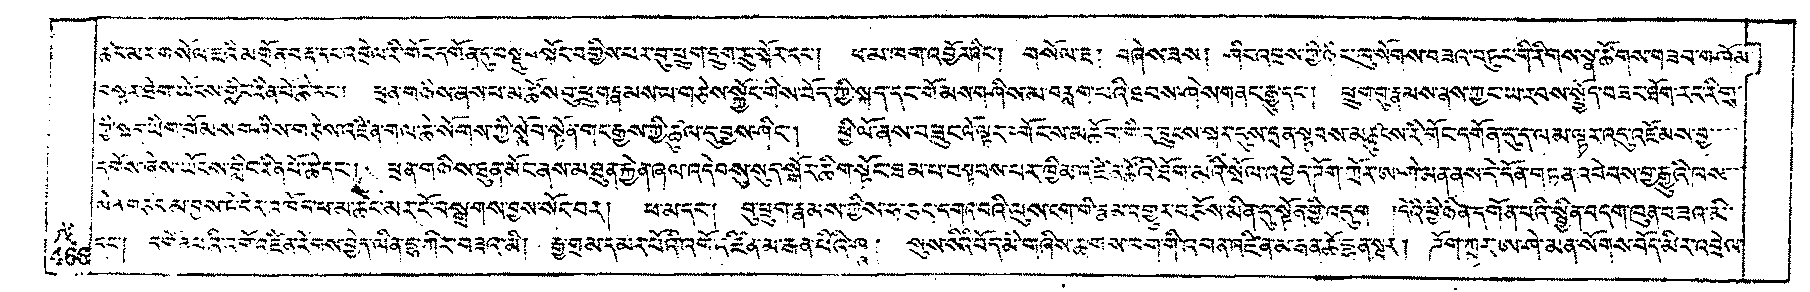ཚང་མར་གསོལ་ཇའི་མགྲོན་བརྡ་དང་འབྲེལ་རི་གོང་དགོན་དུ་བསྡུ་བསྐོང་བགྱིས་པར་བུ་ཕྲུག་དྲུག་ཅུ་སྐོར་དང་། ཕ་མ་ཁག་འབྱོར་ཞིང་། གསོལ་ཇ། བཞེས་ཟས། ཤིང་འབྲས་ཀྱི་ཉིང་ཁུ་སོགས་བཟའ་བཏུང་གི་རིགས་སྣ་ཚོགས་གཟབ་གཤོམ་
བསྟར་ཐེག་ཡོངས་གླིང་རིན་པོ་ཆེ་དང་། ཕྲན་གཉིས་ནས་ཕ་མ་ཚོས་བུ་ཕྲུག་རྣམས་ལ་གཅེས་སྐྱོང་གིས་བོད་ཀྱི་སྐད་དང་གོམས་གཤིས་མ་བརླག་པའི་ཐབས་ཤེས་གནང་རྒྱུ་དང་། ཕྲུག་གུ་རྣམས་ནས་ཀྱང་ཡ་རབས་སྤྱོད་བཟང་ཐོག་རང་རིགས་
ཀྱི་སྐད་ཡིག་གོམས་གཤིས་གཅེས་འཛིན་གལ་ཆེ་སོགས་ཀྱི་སློབ་སྟོན་གང་རྒྱས་ཀྱི་ཚུལ་དུ་བྱས་ཤིང་། ཕྱི་ལོ་ནས་བཟུང་ལོ་ལྟར་༧གོང་ས་མཆོག་གི་འཁྲུངས་སྐར་དུས་དྲན་སྟབས་མཚུངས་རི་གོང་དགོན་དུ་ད་ལམ་ལྟར་འདུ་འཛོམས་བྱ་
དགོས་ཞེས་ཡོངས་གླིང་རིན་པོ་ཆེ་དང་། ཕྲན་གཉིས་ཐུན་མོང་ནས་མཐུན་རྐྱེན་ཞལ་འདེབས་སུ་སུད་སྒོར་ཆིག་སྟོང་ཐམ་པ་བསྟབས་པར་ཁྱིམ་འཛིན་ཚོའི་ཐོག་མའི་སྲོལ་འབྱེད་ཌོག་ཀྲོར་ཨ་ཤེ་མན་ནས་དེ་དོན་གཏན་འབེབས་བྱ་རྒྱུའི་ཁས་
ལེན་གཙང་མ་བྱས་ཏེ་དེར་འཁོད་ཕ་མ་ཚང་མར་ངོ་བསྒྲགས་བྱས་སོང་བར། ཕ་མ་དང་། བུ་ཕྲུག་རྣམས་ཀྱིས་ཧ་ཅང་དགའ་བའི་ལུས་ངག་གི་རྣམ་འགྱུར་བཅོས་མིན་དུ་སྟོན་གྱི་འདུག །དེའི་ཕྱི་ཉིན་དགོན་པའི་སྦྱིན་བདག་ཁུན་བཟའ་མི་
དང་། དགོན་པའི་འགོ་འཛིན་རོགས་བྱེད་ལིན་དྷ་ཀིར་བཟའ་མི། རྒྱ་གྲམ་དམར་པོའི་འགོ་འཛིན་མ་རྒན་ཕིའི་ཤཱ། སུས་སིའི་བོད་མི་གཞིས་ཆགས་ཁག་གི་འགན་འཛིན་མ་རྒན་ཆོ་དྷན་སྦར། ཌོག་ཀྲར་ཨ་ཤེ་མན་སོགས་བོད་མིར་འབྲེལ་